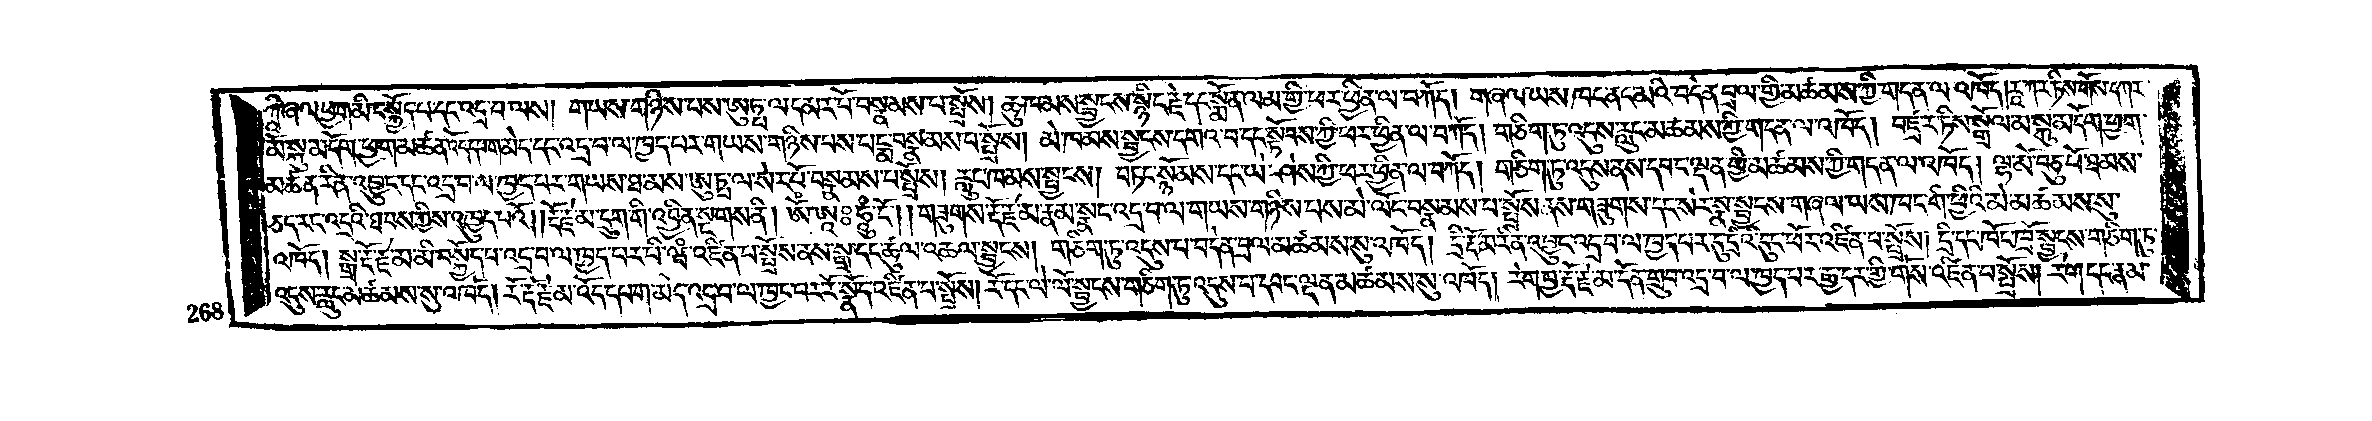ཀཱི་ཞལ་ཕྱག་མིང་སྐྱོད་པ་དང་འདྲ་བ་ལས། གཡས་གཉིས་པས་ཨུཏཔ་ལ་དམར་པོ་བསམས་པ་སྤྲོས། ཆུ་ཁམས་སྦྱངས་སྙིང་རྗེ་དང་སྨོན་ལམ་གྱི་ཕར་ཕྱིན་ལ་བཀོད། གཞལ་ཡས་ཁང་ནང་མའི་བདེན་བྲལ་གྱི་མཚམས་ཀྱི་གདན་ལ་འཁོད། རཱ་ཀར་ཏིས་གོས་དཀར་
མོ་སྐུ་མདོག་ཕྱག་མཚན་འོད་དཔག་མེད་དང་འདྲ་བ་ལ་ཁྱད་པར་གཡས་གཉིས་པས་པདམ་བསྣམས་པ་སྤྲོས། མེ་ཁམས་སྦྱངས་དགའ་བ་དང་སྟོབས་ཀྱི་ཕར་ཕྱིན་ལ་བཀོད། གཅིག་ཏུ་འདུས་རླུང་མཚམས་ཀྱི་གདན་ལ་འཁོད། བྫྲ་ར་ཏིས་སྒྲོལ་མ་སྐུ་མདོག་ཕྱག་
མཚན་རིན་འབྱུང་དང་འདྲ་བ་ལ་ཁྱད་པར་གཡས་ཐ་མས་ཨུཏཔ་ལ་སེར་པོ་བསྣམས་པ་སྤྲོས། རླུང་ཁམས་སྦྱངས། བཏང་སྙོམས་དང་ཡེ་ཤེས་ཀྱི་ཕར་ཕྱིན་ལ་བཀོད། གཅིག་ཏུ་འདུས་ནས་དབང་ལྡན་གྱི་མཚམས་ཀྱི་གདན་ལ་འཁོད། ལྷ་མོ་བཅུ་པོ་ཐམས་
ཅད་རང་འདྲའི་ཐབས་ཀྱིས་འཁྱུད་པའོ། །རྡོ་རྗེ་མ་དྲུག་གི་འབྱིན་སྔགས་ནི། ཨོཾ་ཨཱཿ ཧཱུཾ་ངོ། །གཟུགས་རྡོ་རྗེ་མ་རྣམ་སྣང་འདྲ་བ་ལ་གཡས་གཉིས་པས་མེ་ལོང་བསྣམས་པ་སྤྲོས་ནས་གཟུགས་དང་སེར་སྣ་སྦྱངས་གཞལ་ཡས་ཁང་གི་ཕྱིའི་མེ་མཚམས་སུ་
འཁོད། སྒྲ་རྡོ་རྗེ་མ་མི་བསྐྱོད་པ་འདྲ་བ་ལ་ཁྱད་པར་པི་ཝཾ་འཛིན་པ་སྤྲོས་ནས་སྒྲ་དང་ཚུལ་འཆལ་སྦྱངས། གཅིག་ཏུ་འདུས་པ་བདེན་བྲལ་མཚམས་སུ་འཁོད། དྲི་རྡོམ་རིན་འབྱུང་འདྲ་བ་ལ་ཁྱད་པར་དུ་དྲིའི་དུང་ཕོར་འཛིན་པ་སྤྲོས། དྲི་དང་ཁོང་ཁྲོ་སྦྱངས་གཅིག་ཏུ་
འདུས་རླུང་མཚམས་སུ་འཁོད། རོ་རྡོ་རྗེ་མ་འོད་དཔག་མེད་འབྲབ་ལ་ཁྱད་པར་རོ་སྣོད་འཛིན་པ་སྤྲོས། རོ་དང་ལེ་ལོ་སྦྱངས་གཅིག་ཏུ་འདུས་པ་དབང་ལྡན་མཚམས་སུ་འཁོད། རེག་བྱ་རྡོ་རྗེ་མ་དོན་གྲུབ་འདྲ་བ་ལ་ཁྱད་པར་རྒྱ་དར་གྱི་གོས་འཛིན་པ་སྤྲོས། རེག་དང་རྣམ་